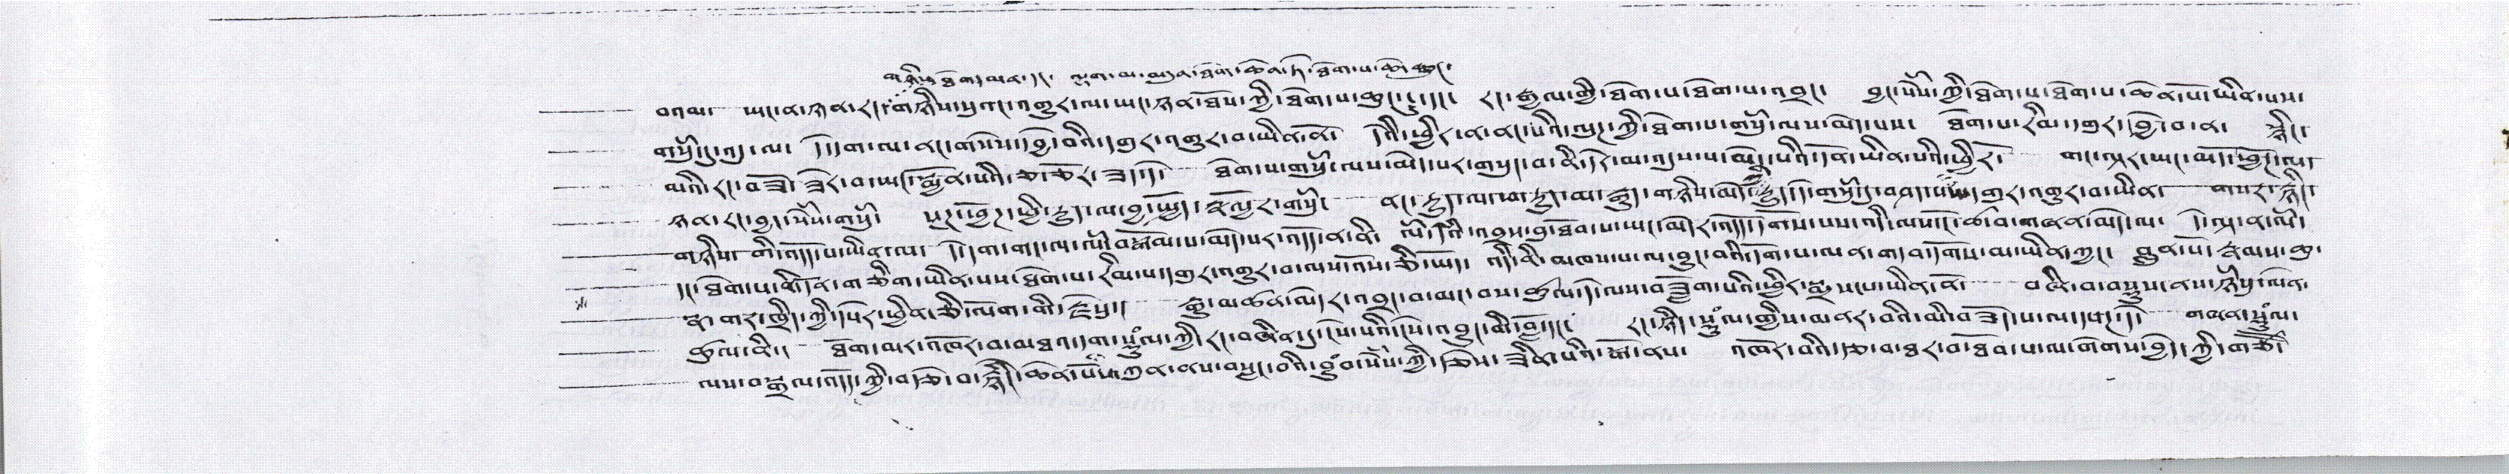བའམ། ཡང་ན་ཉན་རང་གཉིས་ཐེག་དམན་དང་། ལྷག་མ་བདུན་ཐེག་ཆེན་ཏེ་ཐེག་པ་ཆེ་ཆུང་གཉིས་སུའང་འགྱུར་ལ། ཡང་ཉན་ཐོས་ཀྱི་ཐེག་པ་ཆུང་ངུ་དང་། རང་རྒྱལ་གྱི་ཐེག་པ་འབྲིང་དང་། བྱང་སེམས་ཀྱི་ཐེག་པ་ཆེན་པོ་ཡིན་པས་
གསུམ་དུ་འདུ་ལ། དེ་དག་ལ་ནང་གསེས་དབྱེ་བའི་དགུར་འགྱུར་བ་ཡིན་ནོ། དེའི་ཕྱིར་ན་ནང་པའི་ལུགས་ཀྱི་ཐེག་པ་གསུམ་ལས་མེད་པས། ཐེག་པ་རིམ་དགུར་ཕྱེ་བ་ནི་རྙིང་
མའི་རང་བཟོ་ཟེར་ཡང་སྨྱོན་པའི་ཅ་ཅོར་ཟད་དེ། ཐེག་པ་གསུམ་ལས་མེད་པར་གསུངས་པ་ནི་དེར་མ་འདུས་པ་མེད་པའི་དོན་ཡིན་པའི་ཕྱིར་རོ། གང་ལྟར་ཡང་མདོ་ཕྱོགས་ལ་
ཉན་རང་བྱང་སེམས་གསུམ། སྔགས་ཕྱོགས་ཕྱི་རྒྱུད་ལ་བྱ་སྤྱོད་རྣལ་འབྱོར་གསུམ། ནང་རྒྱུད་ལ་ཕ་རྒྱུད་མ་རྒྱུད་གཉིས་མེད་རྒྱུད་དེ་གསུམ་བཤད་པ་ལ་དགུར་འགྱུར་བ་ཡིན། གསར་རྙིང་
གཉིས་ཀྱི་འདོད་པ་ཡིན་ལ། དེ་དག་གང་ལ་ལམ་བསྒོམ་པ་མེད་པར་འདོད་ན་ནི་ལམ་དེའི་འབྲས་བུ་ཐོབ་པ་མེད་པར་འདོད་དགོས་པས་འདི་ལས་ངོ་ཚ་བ་གཞན་མེད་ལ། དེ་ལྟ་ན་ལམ་
དང་ཐེག་པ་ནི་དོན་གཅིག་ཡིན་པས་ཐེག་པ་རིམ་པ་དགུར་འགྱུར་ལ་འོས་ཅི་ཡོད། འདི་ནི་མཁས་པ་ལ་མ་བྱུང་བའི་དྭོགས་པ་ལན་གདབ་དགོས་མ་ཡིན་ཀྱང་། བླུན་པོ་རྣམས་ཆུ་
སྣ་གར་ཁྲིད་ཀྱི་དཔེར་ཕྱིན་ཅི་ལོག་གི་རྗེས་སུ་རྒྱུ་མཚན་མེད་པར་འབྲང་བ་མང་བས་ཚུལ་དེ་ལས་ལྡོག་པའི་ཕྱིར་སྨྲས་པ་ཡིན་ནོ། བཞི་པ་བསྡུས་ནས་ཉམས་སུ་ལེན་
ཚུལ་ནི། ཐོག་མར་འཁོར་བ་མཐའ་དག་སྡུག་བསྔལ་གྱི་རང་བཞིན་དུ་ངེས་པའི་ངེས་འབྱུང་གི་བློ་དང་། རང་ཉིད་སྡུག་བསྔལ་གྱིས་མནར་བའི་མི་བཟོད་པ་ལ་དཔགས་ཏེ་